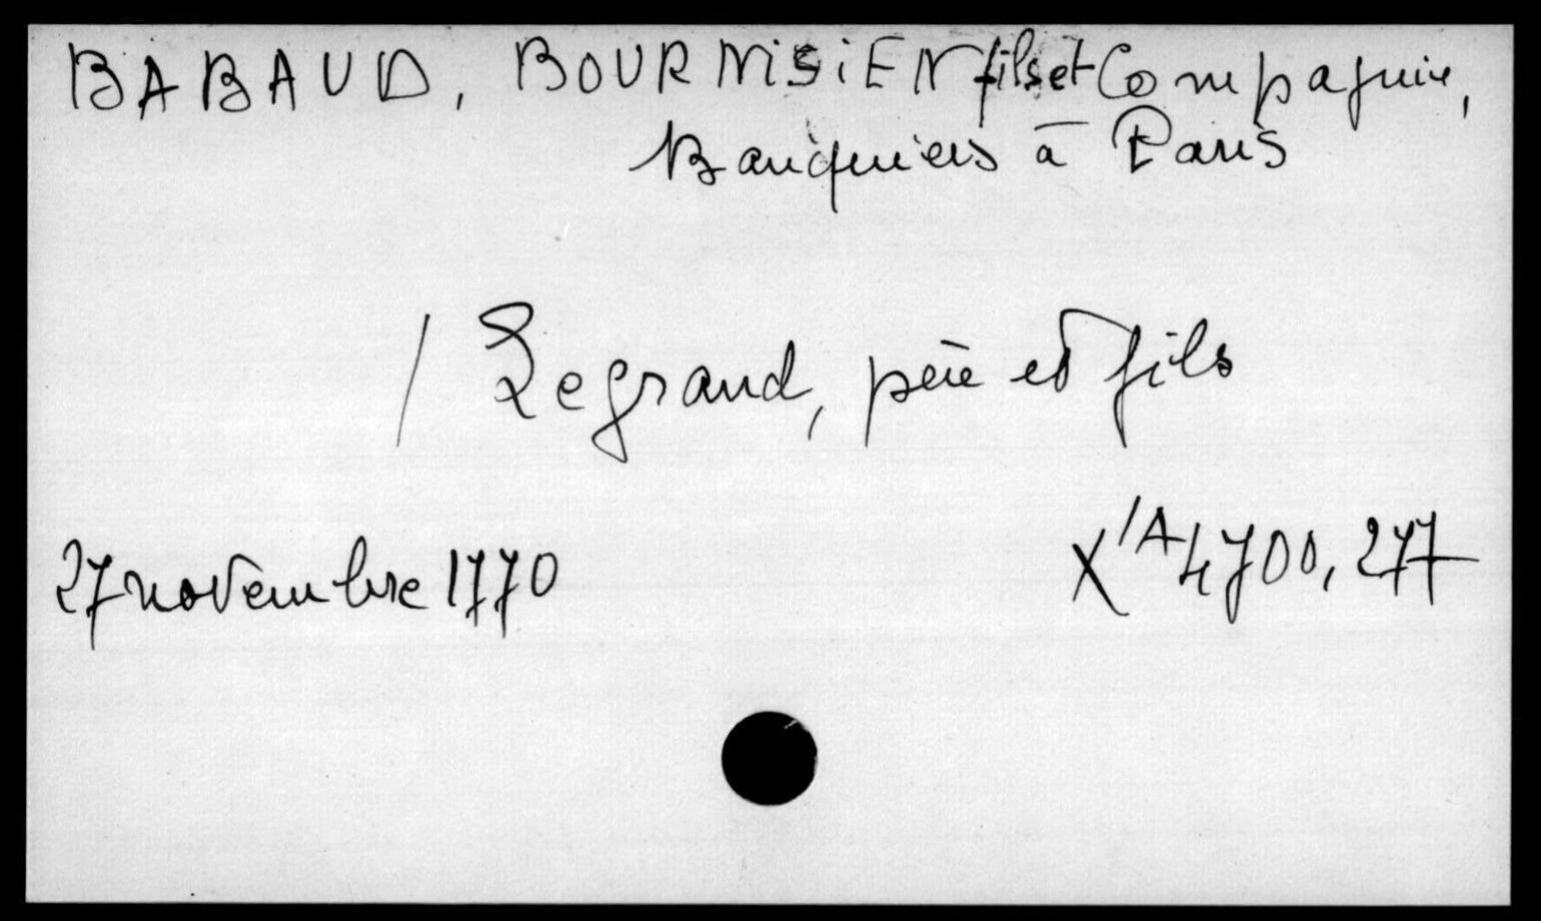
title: BABAUD, BOURNISIEN fils et compagnie, Banquiers à Paris
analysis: Contre Legrand, père et fils
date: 27 novembre 1770
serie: X1A
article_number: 4700
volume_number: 277
